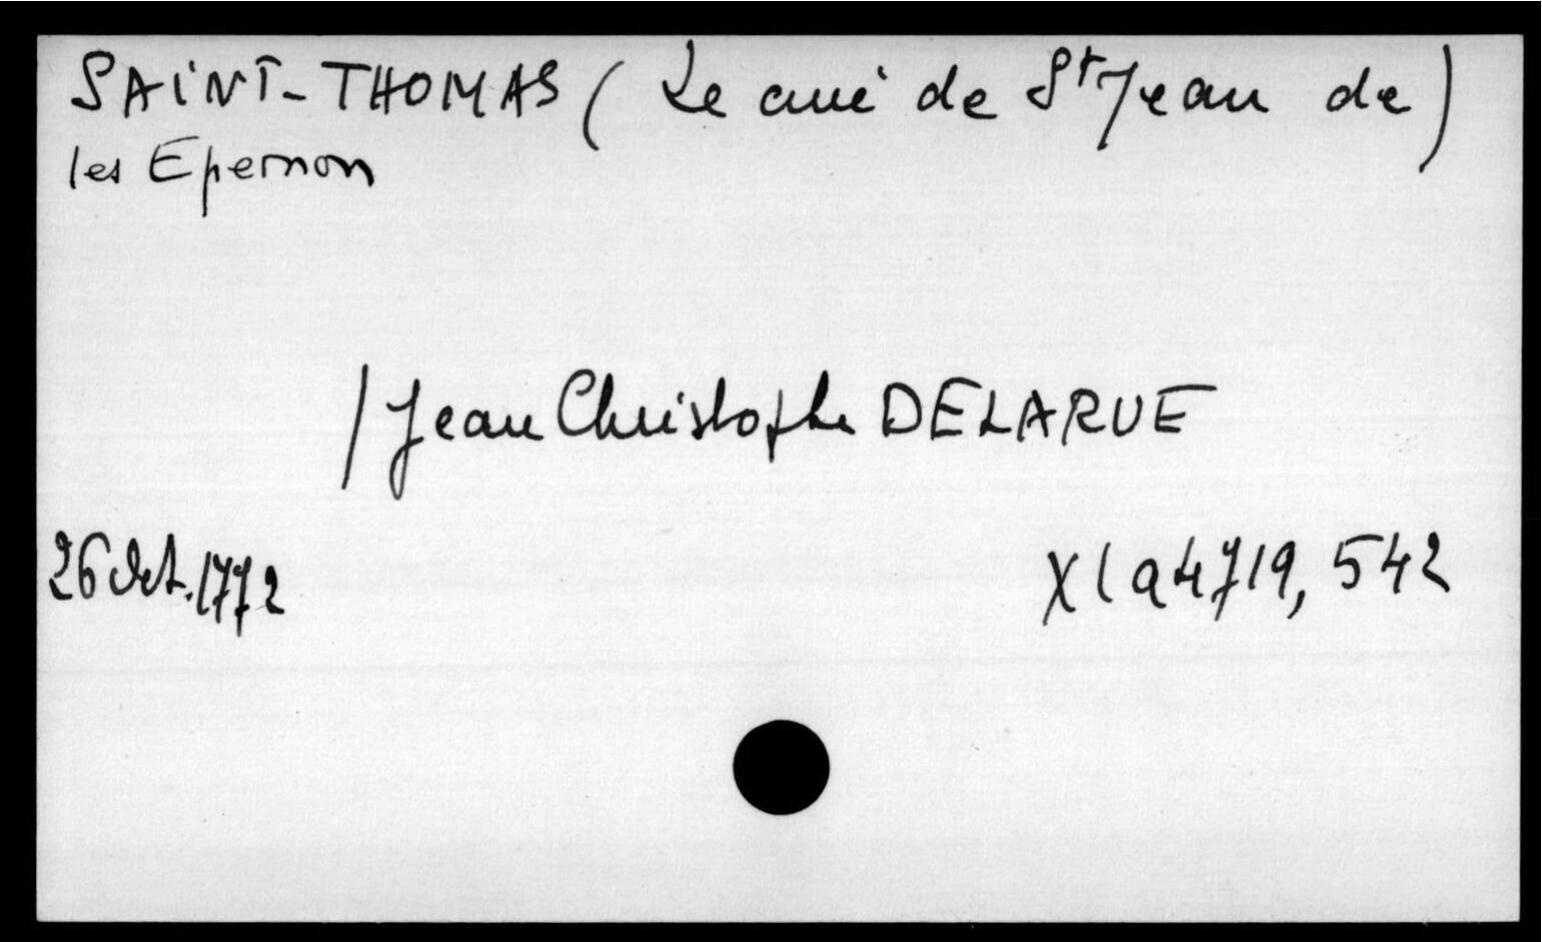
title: SAINT-THOMAS (Le curé de Saint-Jean de) les Épernon
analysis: Contre Jean Chistophe DELARUE
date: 26 octobre 1772
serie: X1a
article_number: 4719
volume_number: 542
